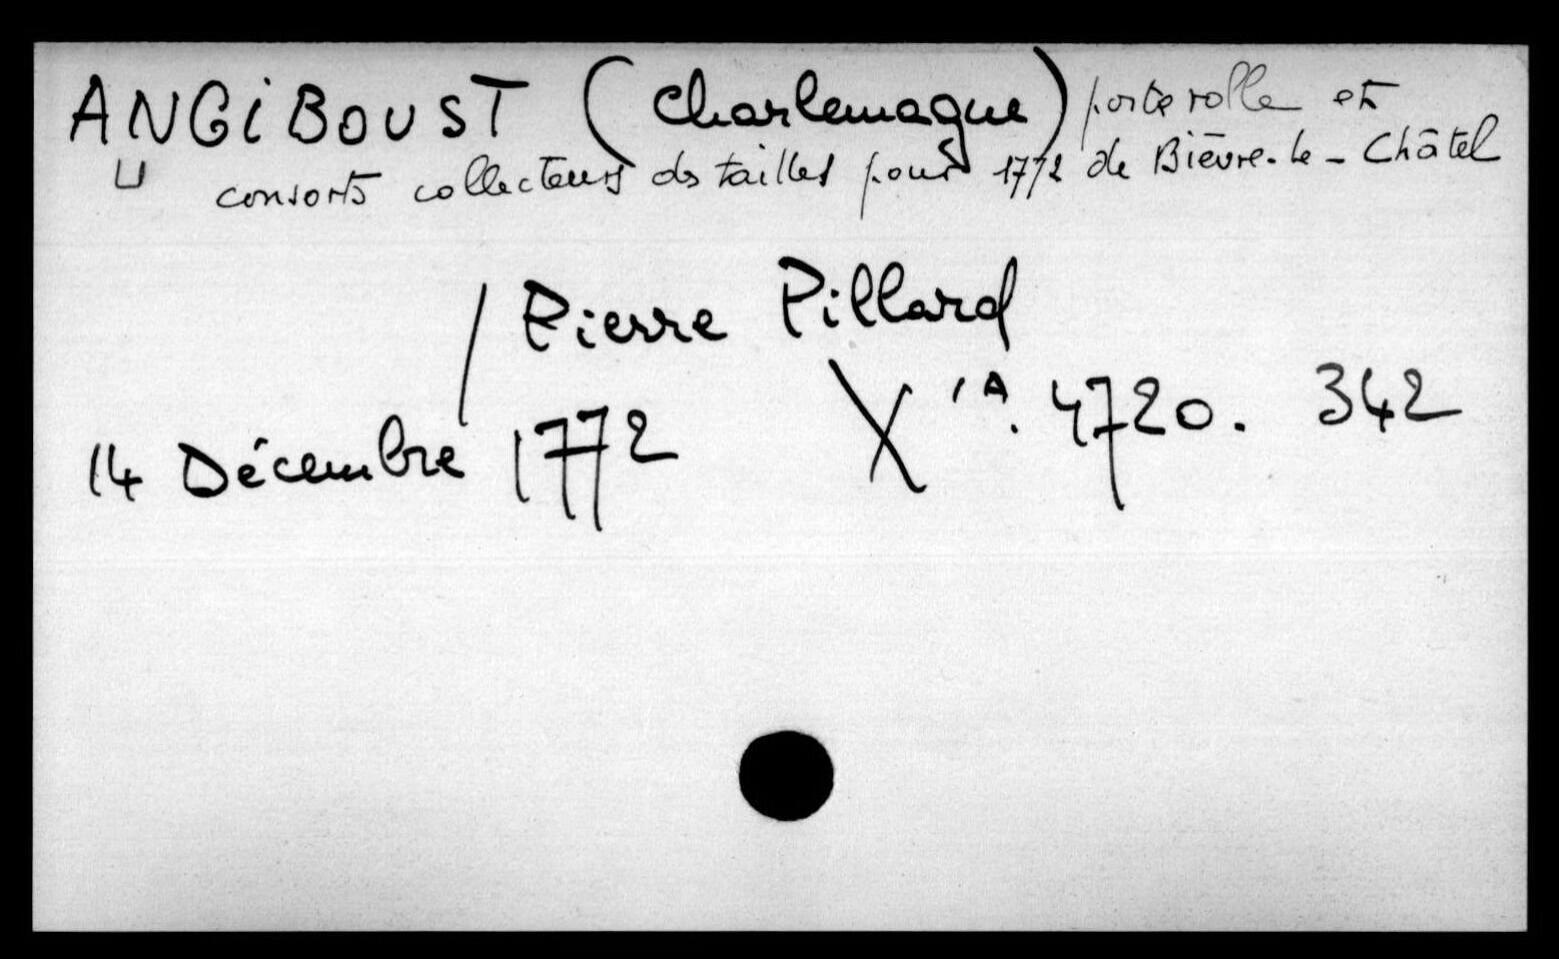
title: ANGIBOUST (Charlemagne) porterolle et consorts collecteur des tailles pour 1772 de Bièvre-le-Châtel
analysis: Contre Pierre Pillard
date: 14 décembre 1772
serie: X1A
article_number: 4720
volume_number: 342
